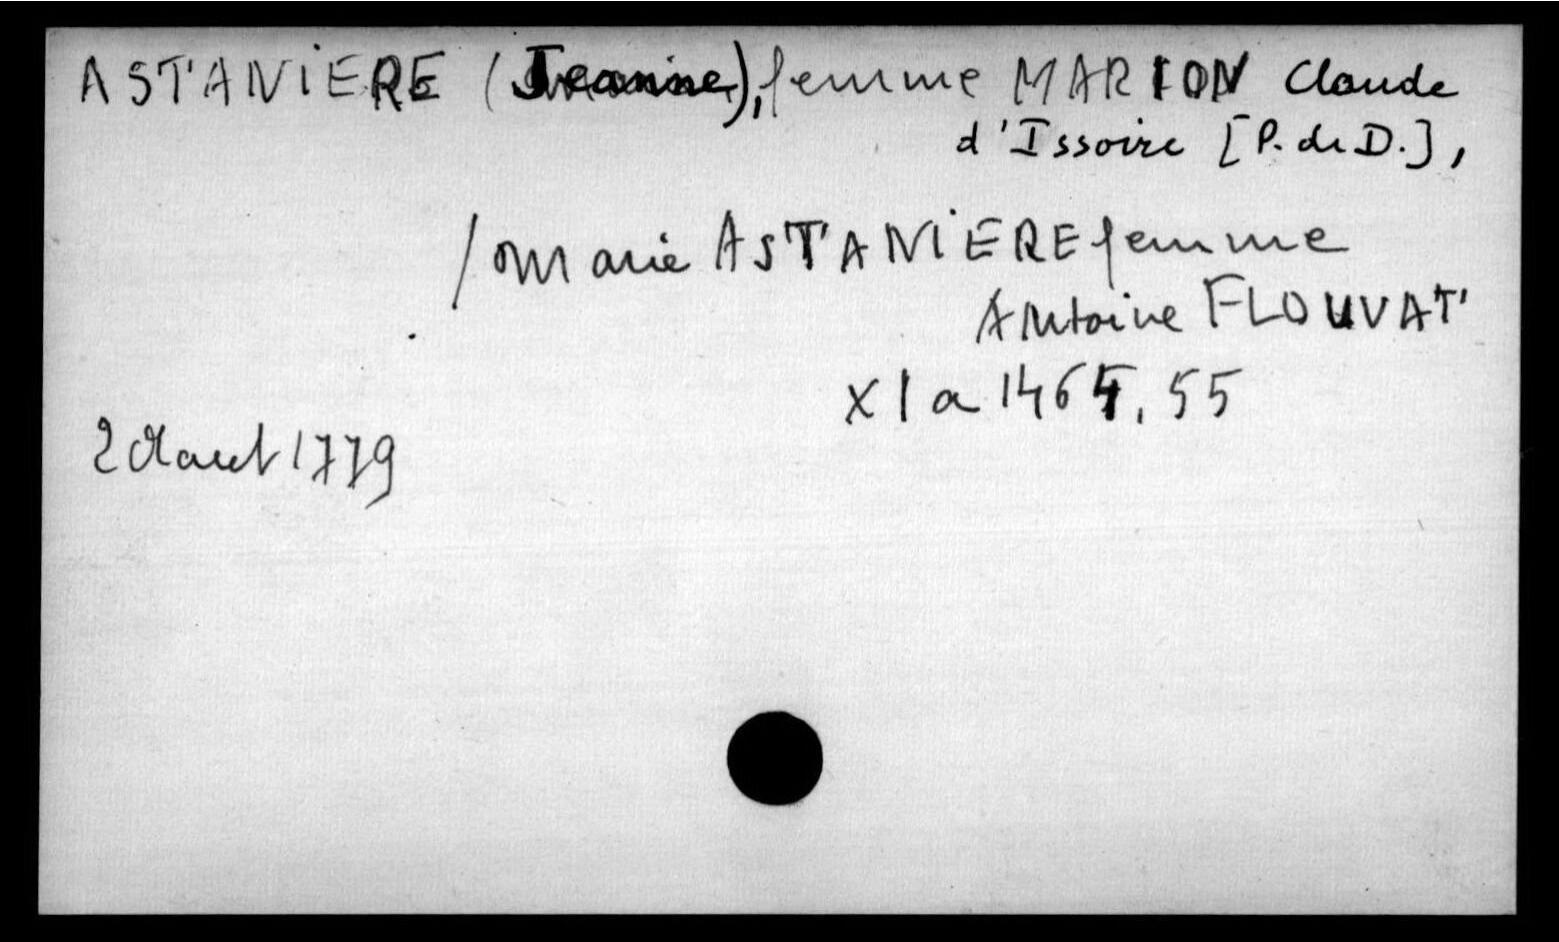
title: ASTANIERE (Jeanne), femme MARION Claude d'Issoire [Puy-de-Dôme]
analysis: Contre Marie ASTANIERE femme Antoine FLOUVAT
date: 2 août 1779
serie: X1a
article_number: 1464
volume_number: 55
